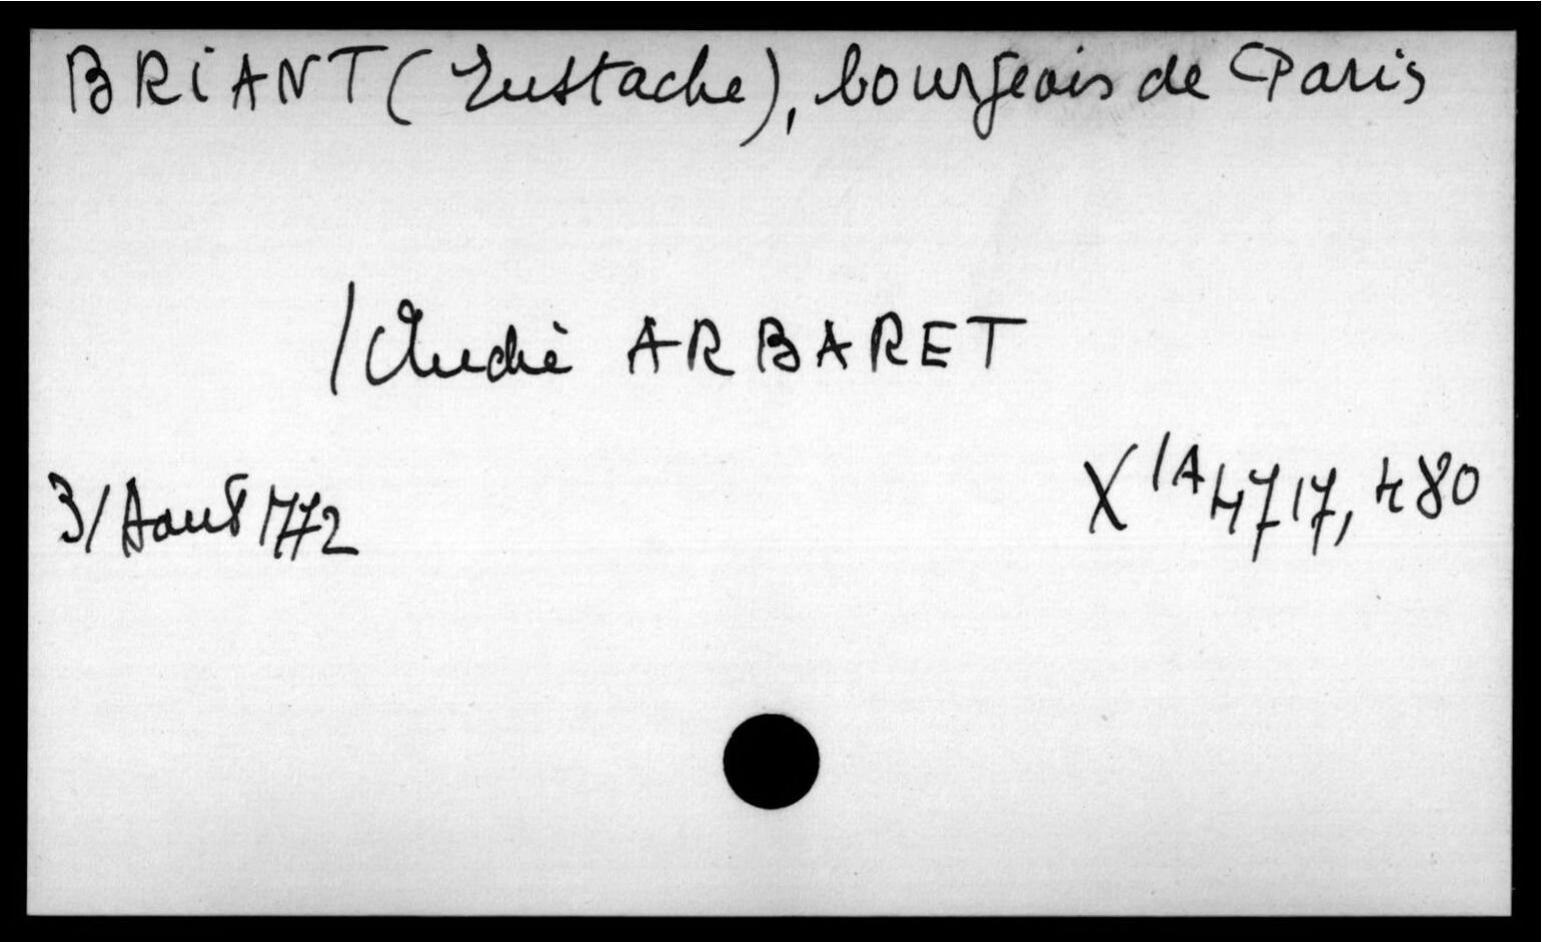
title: BRIANT (Eustache), bourgeois de Paris
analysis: Contre André ARBARET
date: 31 août 1772
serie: X1A
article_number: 4717
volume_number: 480
